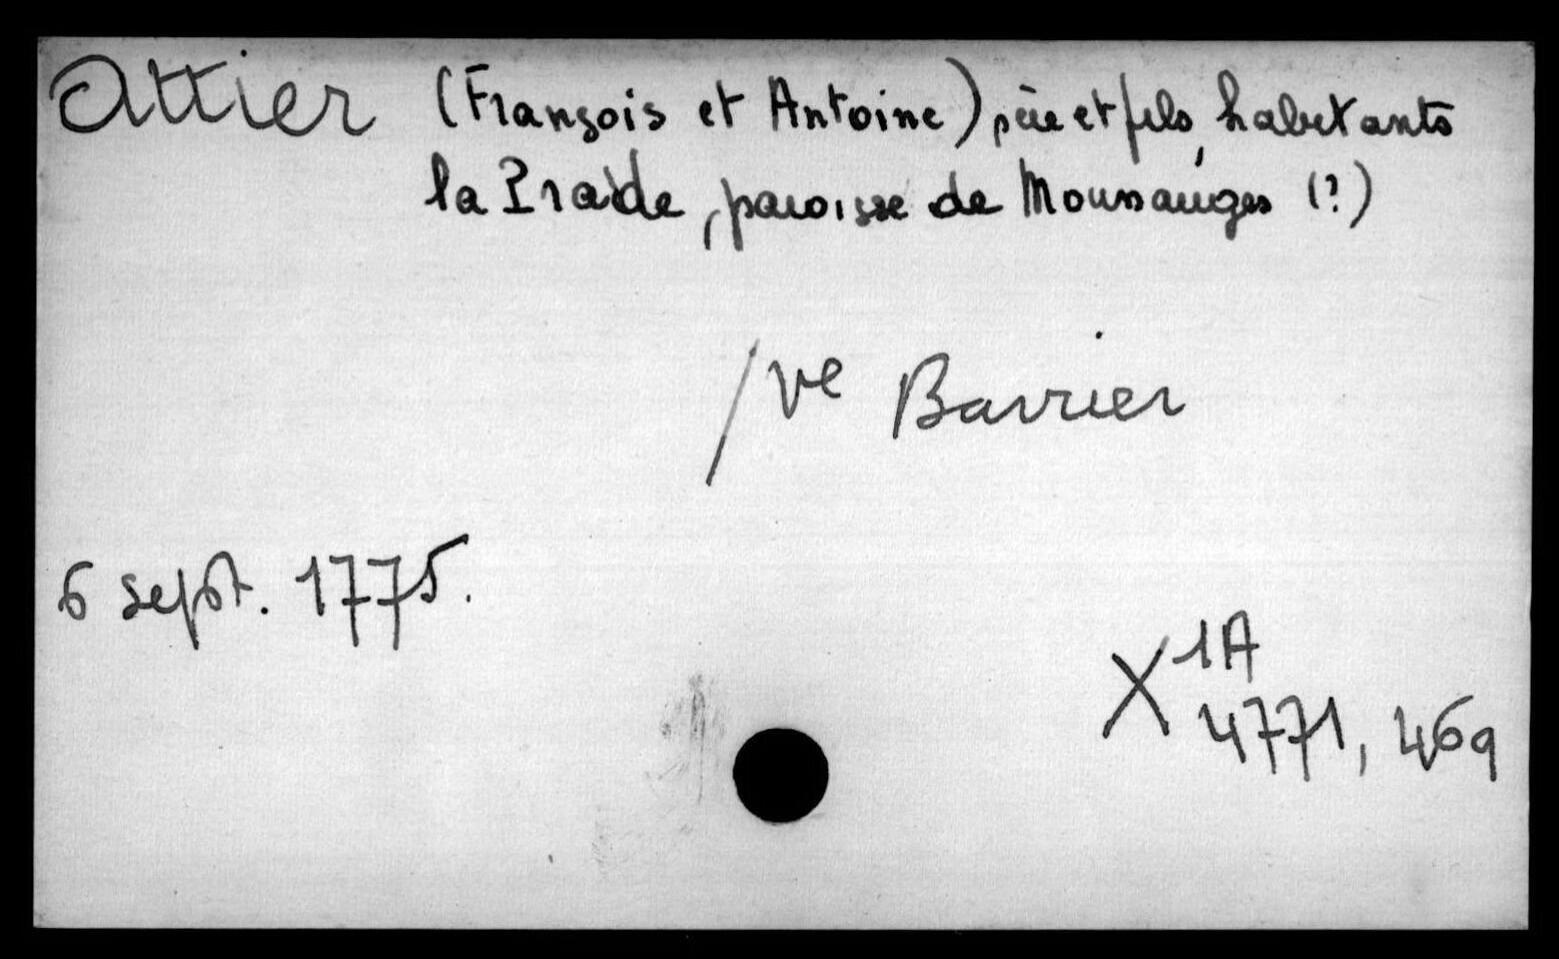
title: attier (François et Antoine) père et fils, habitants la Prade, paroisse de Moussauges (?)
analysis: Contre veuve Barrier
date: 6 sept. 1775
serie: X1A
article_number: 4771
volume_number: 469
